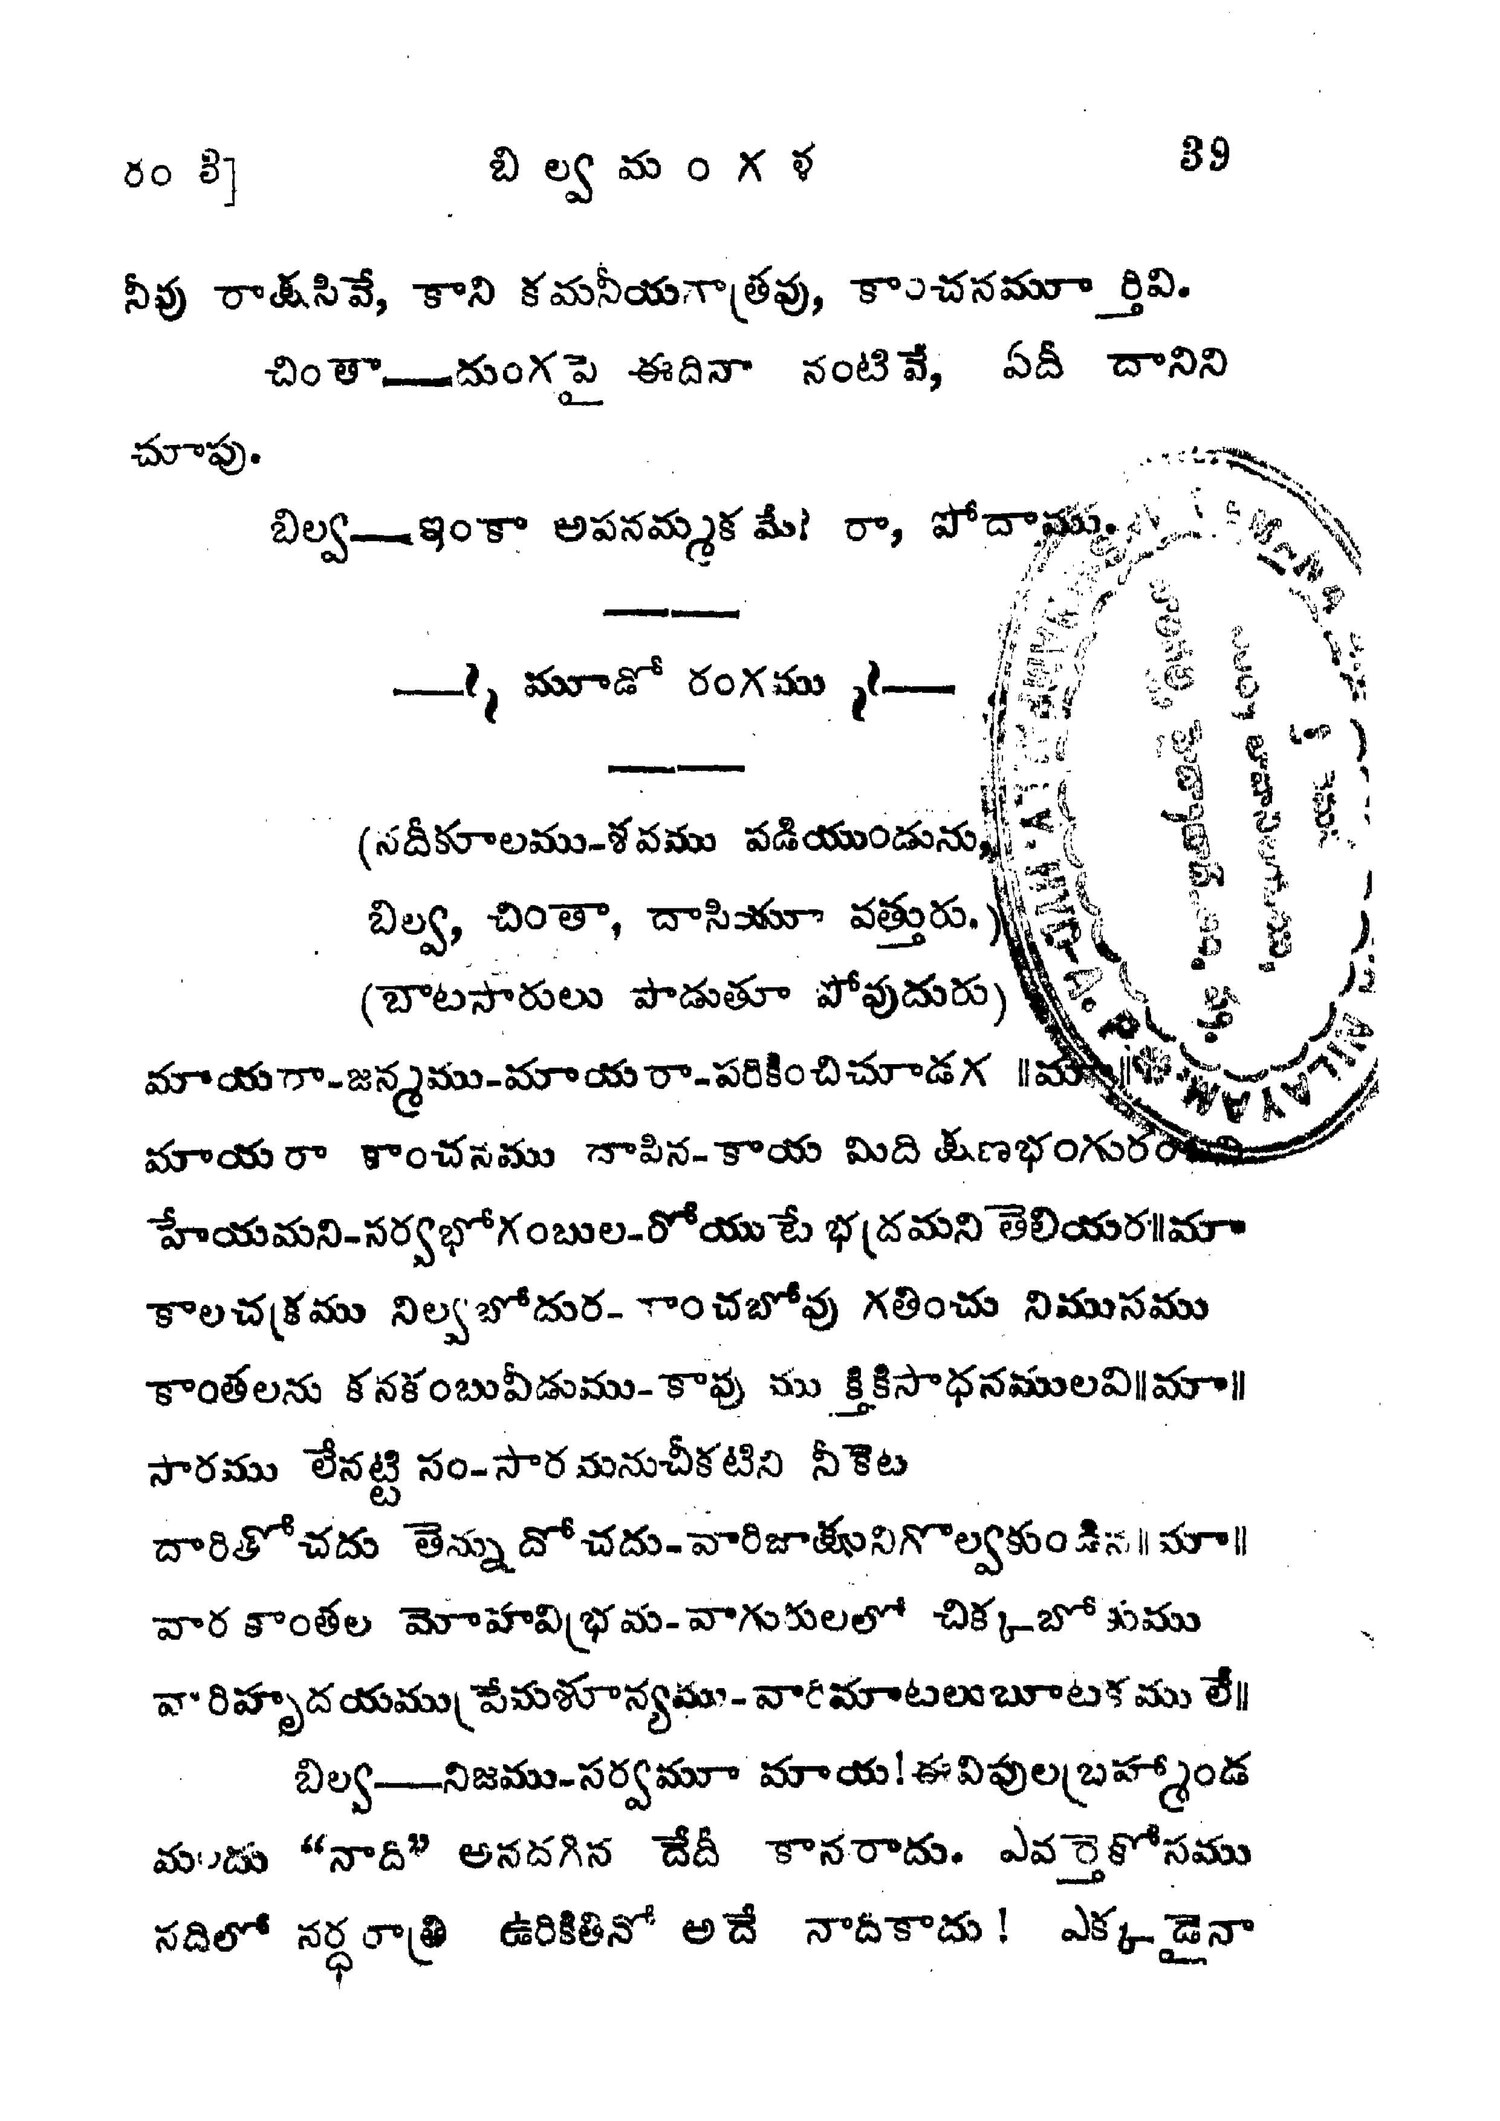నీవు రాక్షసివే, కాని కమనీయగాత్రపు, కాంచనమూర్తివి.

చింతా - దుంగపై ఈదినా నంటివే, ఏదీ దానిని చూపు.

బిల్వ - ఇంకా అపనమ్మకమే! రా, పోదాము.

 మాయరా-జన్మము-మాయరా-పరికించిచూడగ ||మా||
 మాయరా కాంచనము దాపిన-కాయ మిది క్షణభంగురంబని
 హేయమని-సర్వభోగంబుల-రోయుటే భద్రమని తెలియర||మా
 కాలచక్రము నిల్వబోదుర - కాంచబోవు గతించు నిముసము
 కాంతలను కనకంబువీడుము-కావు ముక్తికిసాధనములవి||మా||
 సారము లేనట్టి సం-సారమనుచీకటిని నీకెట
 దారితోచదు తెన్నుదోచదు-వారిజాక్షునిగొల్వకుండిన||మా||
 వార కాంతల మోహవిభ్రమ-వాగురులలో చిక్కబోకుము
 వారిహృదయముప్రేమశూన్యము-వారిమాటలుబూటకము లే||

బిల్వ - నిజము-సర్వమూ మాయ! ఈవిపులబ్రహ్మాండ మందు "నాది" అనదగిన దేదీ కానరాదు. ఎవర్తెకోసము నదిలో నర్ధరాత్రి ఉరికితినో అదే నాదికాదు! ఎక్కడైనా